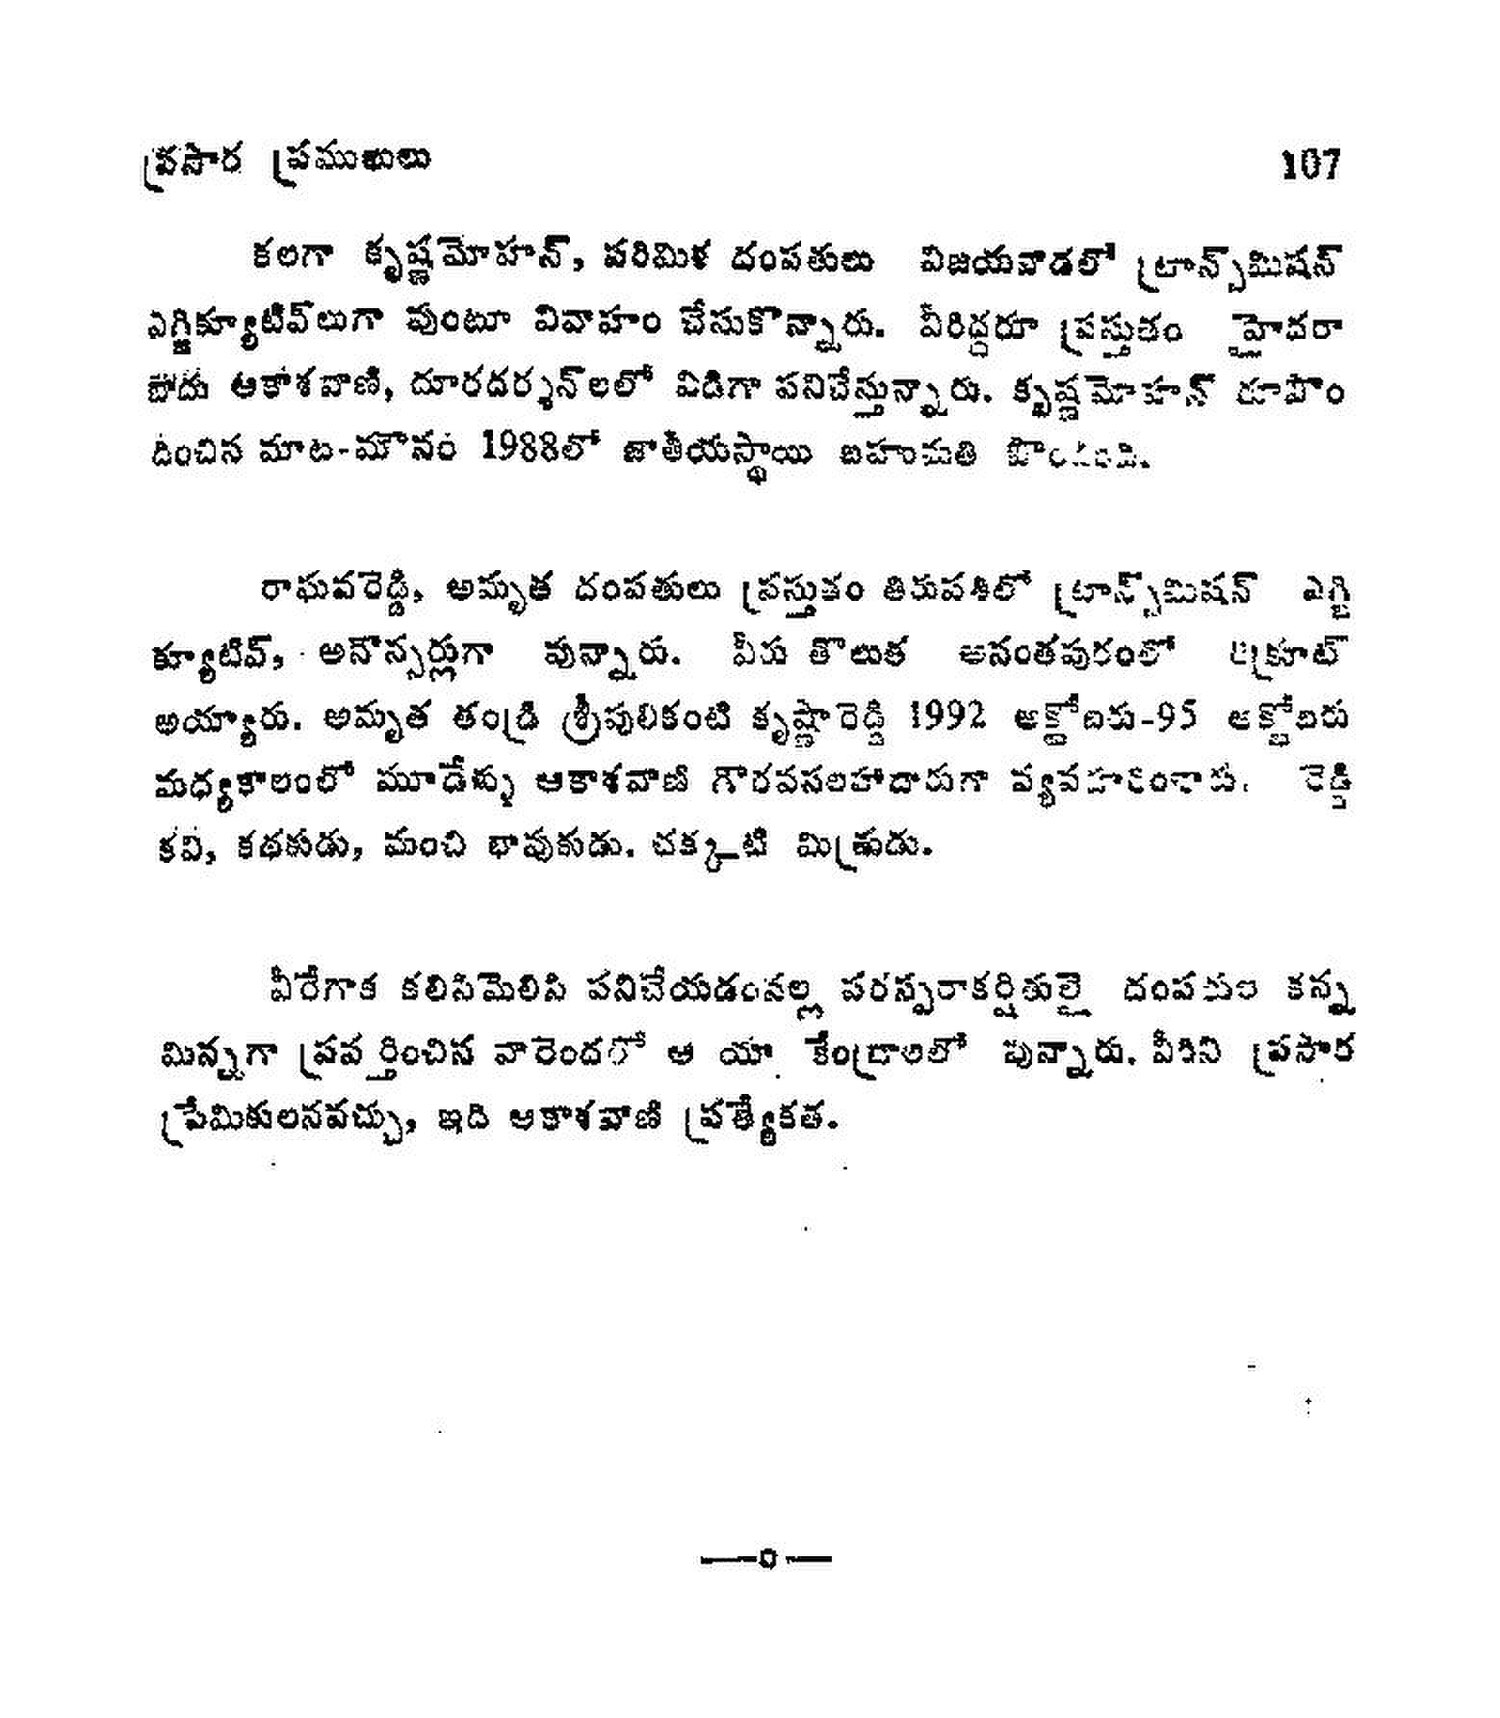కలగా కృష్ణమోహన్, పరిమిళ దంపతులు విజయవాడలో ట్రాన్స్‌మిషన్ ఎగ్జిక్యూటివ్‌లుగా వుంటూ వివాహం చేసుకొన్నారు. వీరిద్దరూ ప్రస్తుతం హైదరాబాదు ఆకాశవాణి, దూరదర్శన్‌లలో విడిగా పనిచేస్తున్నారు. కృష్ణమోహన్ రూపొందించిన మాట-మౌనం 1988లో జాతీయస్థాయి బహుమతి పొందింది.

రాఘవరెడ్డి, అమృత దంపతులు ప్రస్తుతం తిరుపతిలో ట్రాన్స్‌మిషన్ ఎగ్జిక్యూటివ్, అనౌన్సర్లుగా వున్నారు. వీరు తొలుత అనంతపురంలో రిక్రూట్ అయ్యారు. అమృత తండ్రి శ్రీపులికంటి కృష్ణారెడ్డి 1992 అక్టోబరు - 95 అక్టోబరు మధ్యకాలంలో మూడేళ్ళు ఆకాశవాణి గౌరవసలహాదారుగా వ్యవహరించారు. రెడ్డి కవి, కథకుడు, మంచి భావుకుడు, చక్కటి మిత్రుడు.

వీరేగాక కలిసిమెలిసి పనిచేయడంవల్ల పరస్పరాకర్షితులై దంపతుల కన్న మిన్నగా ప్రవర్తించిన వారెందరో ఆ యా కేంద్రాలలో వున్నారు. వీరిని ప్రసార ప్రేమికులనవచ్చు, ఇది ఆకాశవాణి ప్రత్యేకత.